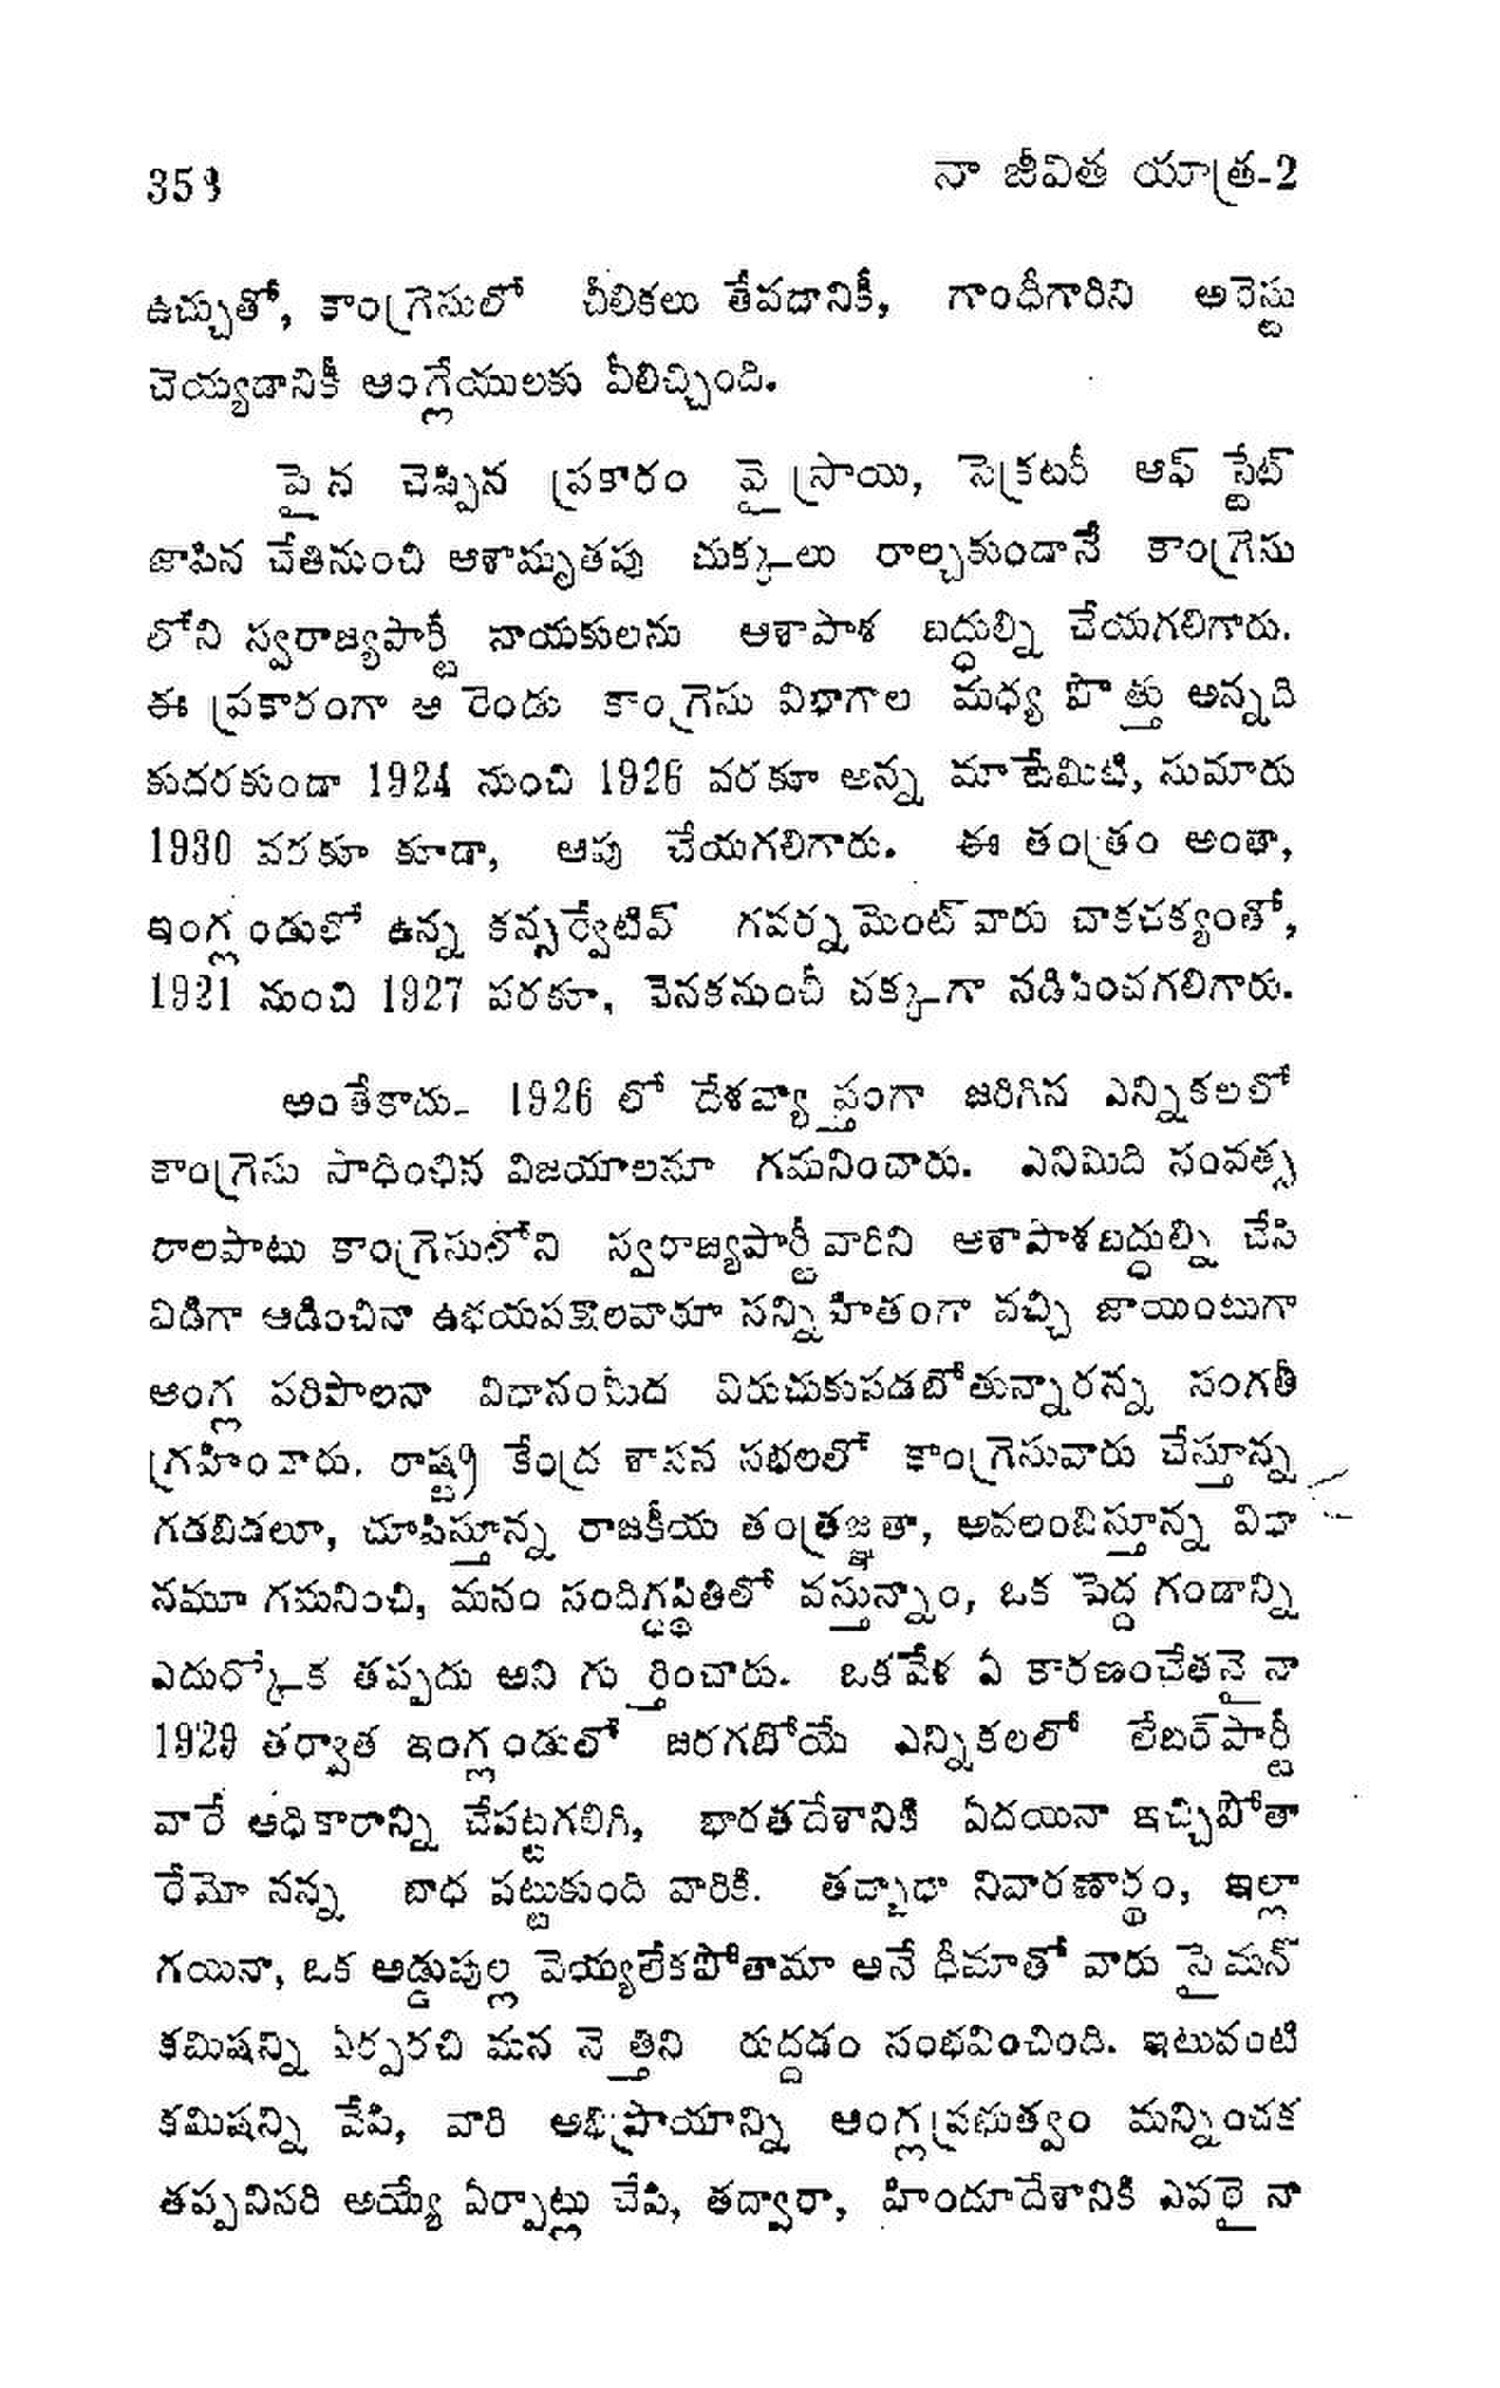ఉచ్చుతో, కాంగ్రెసులో చీలికలు తేవడానికీ, గాంధీగారిని అరెస్టు చెయ్యడానికీ ఆంగ్లేయులకు వీలిచ్చింది.

పైన చెప్పిన ప్రకారం వైస్రాయి, సెక్రటరీ ఆఫ్ స్టేట్ జాపిన చేతి నుంచి ఆశామృతపు చుక్కలు రాల్చకుండానే కాంగ్రెసులోని స్వరాజ్యపార్టీ నాయకులను ఆశాపాశ బద్దుల్ని చేయగలిగారు. ఈ ప్రకారంగా ఆ రెండు కాంగ్రెసు విభాగాల మధ్య పొత్తు అన్నది కుదరకుండా 1924 నుంచి 1926 వరకూ అన్న మాటేమిటి, సుమారు 1930 వరకూ కూడా, ఆపు చేయగలిగారు. ఈ తంత్రం అంతా, ఇంగ్లండులో ఉన్న కన్సర్వేటివ్ గవర్నమెంట్ వారు చాకచక్యంతో, 1921 నుంచి 1927 వరకూ, వెనకనుంచీ చక్కగా నడిపించగలిగారు.

అంతేకాదు- 1926 లో దేశవ్యాప్తంగా జరిగిన ఎన్నికలలో కాంగ్రెసు సాధించిన విజయాలనూ గమనించారు. ఎనిమిది సంవత్సరాలపాటు కాంగ్రెసులోని స్వరాజ్యపార్టీ వారిని ఆశాపాశబుద్ధుల్ని చేసి విడిగా ఆడించినా ఉభయపక్షాలవారూ సన్నిహితంగా వచ్చి జాయింటుగా ఆంగ్ల పరిపాలనా విధానంమీద విరుచుకుపడబోతున్నారన్న సంగతీ గ్రహించారు. రాష్ట్ర కేంద్ర శాసన సభలలో కాంగ్రెసువారు చేస్తూన్న గడబిడలూ, చూపిస్తూన్న రాజకీయ తంత్రజ్ఞతా, అవలంబిస్తూన్న విధానమూ గమనించి, మనం సందిగ్ధ స్థితిలో వస్తున్నాం, ఒక పెద్ద గండాన్ని ఎదుర్కోక తప్పదు అని గుర్తించారు. ఒక వేళ ఏ కారణంచేతనైనా 1929 తర్వాత ఇంగ్లండులో జరగబోయే ఎన్నికలలో లేబర్‌పార్టీవారే అధికారాన్ని చేపట్టగలిగి, భారత దేశానికి ఏదయినా ఇచ్చిపోతారేమో నన్న బాధ పట్టుకుంది వారికి. తద్బాధా నివారణార్థం, ఇల్లాగయినా, ఒక అడ్డుపుల్ల వెయ్యలేక పోతామా అనే ధీమాతో వారు సైమన్ కమిషన్ని ఏర్పరచి మన నెత్తిని రుద్దడం సంభవించింది. ఇటువంటి కమిషన్ని వేసి, వారి అభిప్రాయాన్ని ఆంగ్లప్రభుత్వం మన్నించక తప్పనిసరి అయ్యే ఏర్పాట్లు చేసి, తద్వారా, హిందూదేశానికి ఎవరైనా